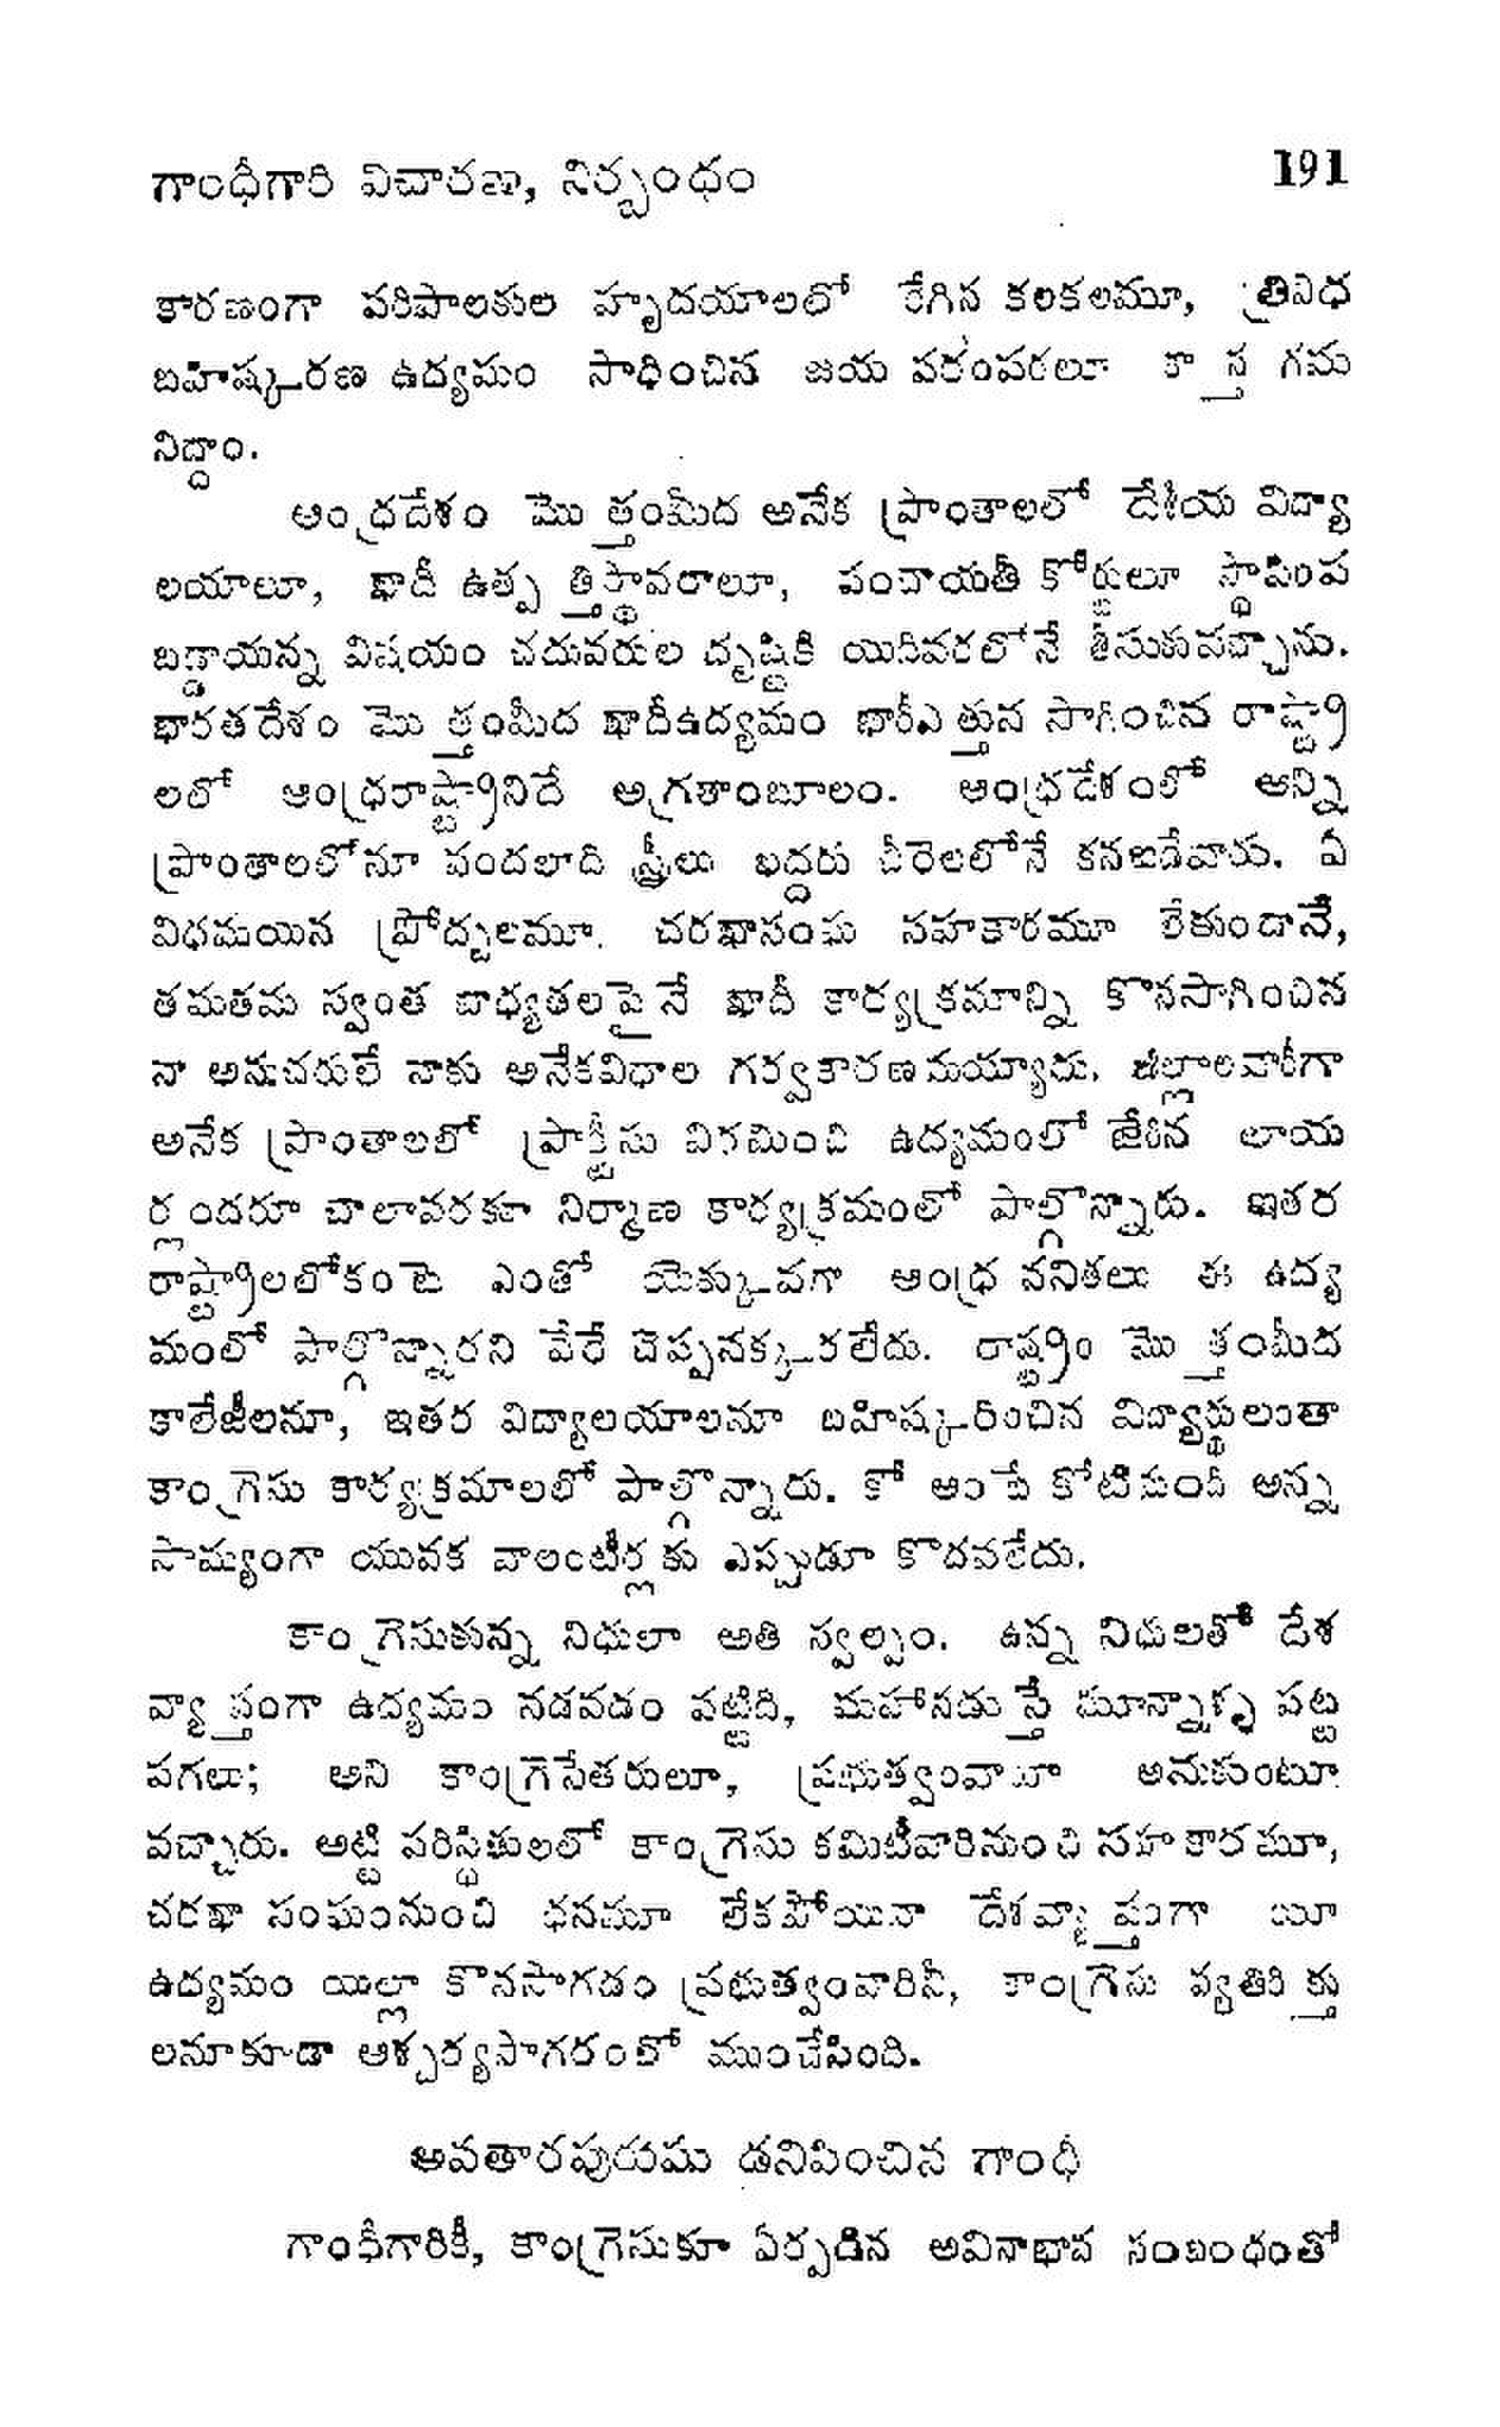కారణంగా పరిపాలకుల హృదయాలలో రేగిన కలకలమూ, త్రివిధ బహిష్కరణ ఉద్యమం సాధించిన జయ పరంపరలూ కాస్త గమనిద్దాం.

ఆంధ్రదేశం మొత్తంమీద అనేక ప్రాంతాలలో దేశీయ విద్యాలయాలూ, ఖాదీ ఉత్పత్తిస్థావరాలూ, పంచాయతీ కోర్టులూ స్థాపింప బడ్డాయన్న విషయం చదువరుల దృష్టికి యిదివరలోనే తీసుకువచ్చాను. భారతదేశం మొత్తంమీద ఖాదీఉద్యమం భారీఎత్తున సాగించిన రాష్ట్రాలలో ఆంధ్రరాష్ట్రానిదే అగ్రతాంబూలం. అంధ్రదేశంలో అన్ని ప్రాంతాలలోనూ వందలాది స్త్రీలు ఖద్దరు చీరెలలోనే కనబడేవారు. ఏ విధమయిన ప్రోద్బలమూ చరఖాసంఘ సహకారమూ లేకుండానే, తమతమ స్వంత భాధ్యతలపైనే ఖాదీ కార్యక్రమాన్ని కొనసాగించిన నా అనుచరులే నాకు అనేకవిధాల గర్వకారణమయ్యారు. జిల్లాలవారీగ అనేక ప్రాంతాలలో ప్రాక్టీసు విరమించి ఉద్యమంలో జేరిన లాయర్లందరూ చాలవరకూ నిర్మాణ కార్యక్రమంలో పాల్గొన్నారు. ఇతర రాష్ట్రాలలోకంటె ఎంతో యెక్కువగా ఆంధ్ర వనితలు ఈ ఉద్యమంలో పాల్గొన్నారని వేరే చెప్పనక్కరలేదు. రాష్ట్రం మొత్తంమీద కాలేజీలనూ, ఇతర విద్యాలయాలనూ బహిష్కరించిన విద్యార్థులంతా కాంగ్రెసు కార్యక్రమాలలో పాల్గొన్నారు. కో అంటే కోటిమంది అన్న సామ్యంగా యువక వాలంటీర్లకు ఎప్పుడూ కొరవలేదు.

కాంగ్రెసుకున్న నిధులా అతి స్వల్పం. ఉన్న నిధులలో దేశవ్యాప్తంగా ఉద్యమం నడవడం వట్టిది, మహానడుస్తే మూనాళ్ళ పట్టపగలు: అని కాంగ్రెసేతరులూ, ప్రభుత్వంవారూ అనుకుంటూ వచ్చారు. అట్టి పరిస్థితులలో కాంగ్రెసు కమిటీవారి నుంచి సహకారమూ, చరఖా సంఘంనుంచి ధనమూ లేకపోయినా దేశవ్యాప్తంగా యీ ఉద్యమం యిల్లా కొనసాగడం ప్రభుత్వంవారినీ, కాంగ్రెసు వ్యతిరిక్తులనూ కూడా ఆశ్చర్యసాగరంలో ముంచేసింది.

గాంధీగారికి, కాంగ్రెసుకూ ఏర్పడిన అవినాభవ సంబంధంతో